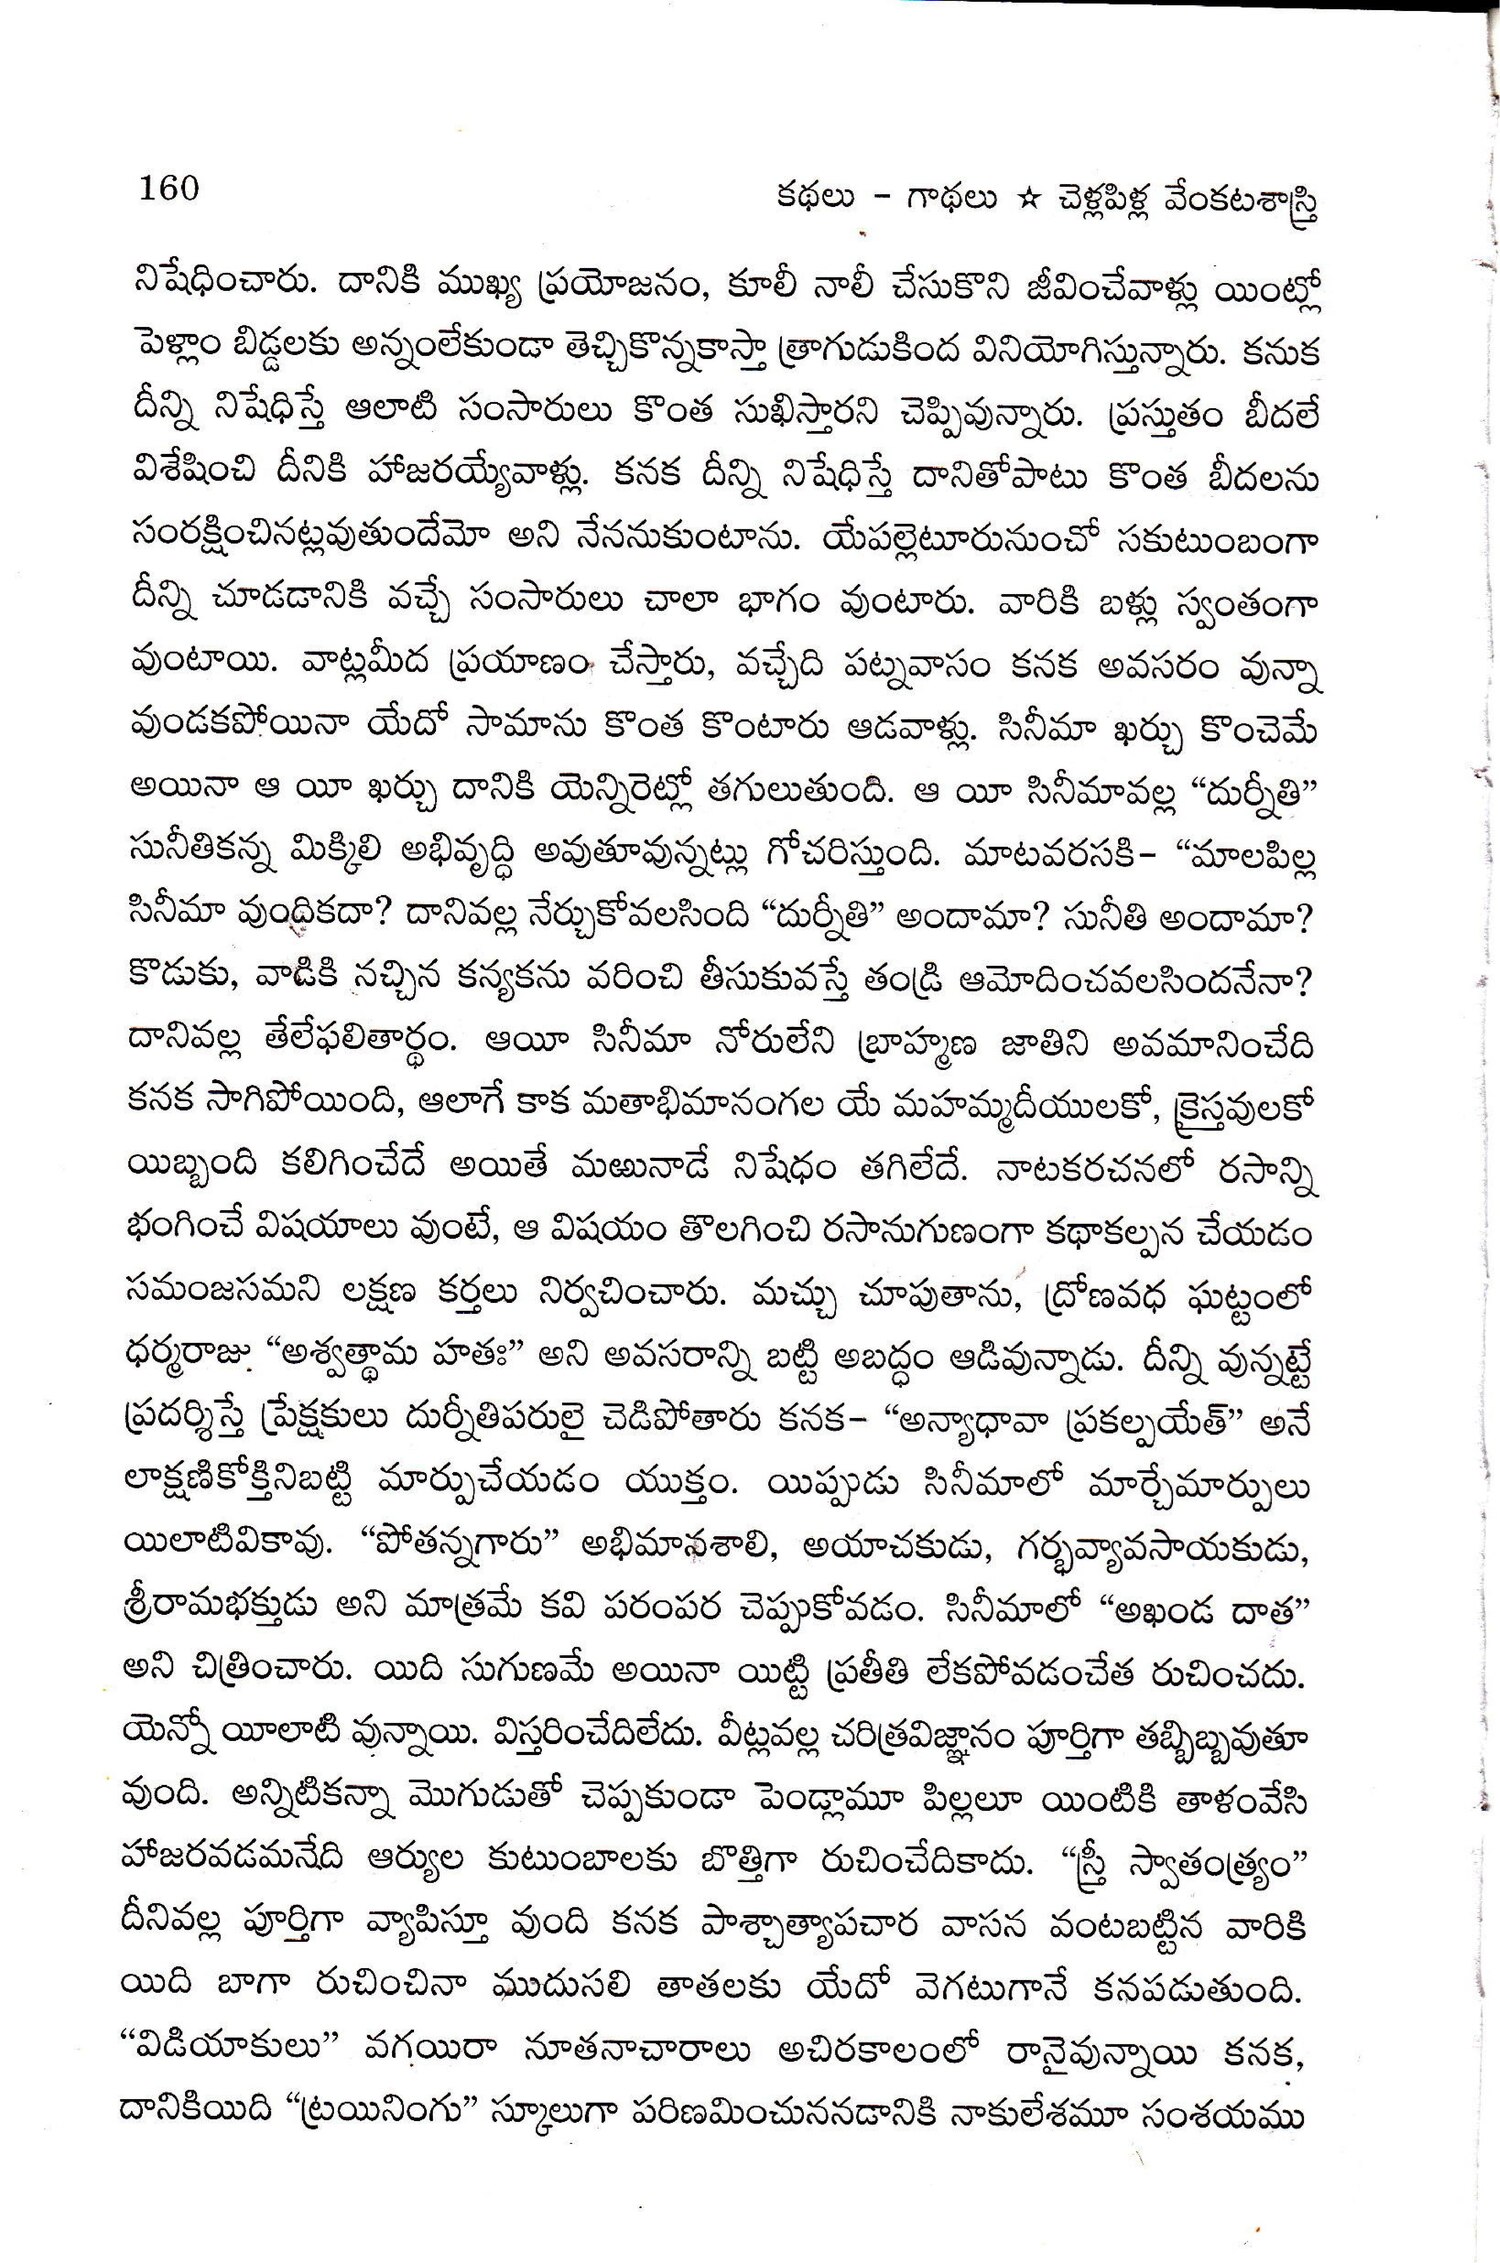నిషేధించారు. దానికి ముఖ్య ప్రయోజనం, కూలీ నాలీ చేసుకొని జీవించేవాళ్లు యింట్లో పెళ్లాం బిడ్డలకు అన్నంలేకుండా తెచ్చికొన్నకాస్తా త్రాగుడుకింద వినియోగిస్తున్నారు. కనుక దీన్ని నిషేధిస్తే ఆలాటి సంసారులు కొంత సుఖిస్తారని చెప్పివున్నారు. ప్రస్తుతం బీదలే విశేషించి దీనికి హాజరయ్యేవాళ్లు. కనక దీన్ని నిషేధిస్తే దానితోపాటు కొంత బీదలను సంరక్షించినట్లవుతుందేమో అని నేననుకుంటాను. యేపల్లెటూరునుంచో సకుటుంబంగా దీన్ని చూడడానికి వచ్చే సంసారులు చాలా భాగం వుంటారు. వారికి బళ్లు స్వంతంగా వుంటాయి. వాట్లమీద ప్రయాణం చేస్తారు, వచ్చేది పట్నవాసం కనక అవసరం వున్నా వుండకపోయినా యేదో సామాను కొంత కొంటారు ఆడవాళ్లు. సినీమా ఖర్చు కొంచెమే అయినా ఆ యీ ఖర్చు దానికి యెన్నిరెట్లో తగులుతుంది. ఆ యీ సినీమావల్ల “దుర్నీతి" సునీతికన్న మిక్కిలి అభివృద్ధి అవుతూవున్నట్లు గోచరిస్తుంది. మాటవరసకి– “మాలపిల్ల సినీమా వుందికదా? దానివల్ల నేర్చుకోవలసింది "దుర్నీతి" అందామా? సునీతి అందామా? కొడుకు, వాడికి నచ్చిన కన్యకను వరించి తీసుకువస్తే తండ్రి ఆమోదించవలసిందనేనా? దానివల్ల తేలేఫలితార్థం. ఆయీ సినీమా నోరులేని బ్రాహ్మణ జాతిని అవమానించేది కనక సాగిపోయింది, ఆలాగే కాక మతాభిమానంగల యే మహమ్మదీయులకో, క్రైస్తవులకో యిబ్బంది కలిగించేదే అయితే మఱునాడే నిషేధం తగిలేదే. నాటకరచనలో రసాన్ని భంగించే విషయాలు వుంటే, ఆ విషయం తొలగించి రసానుగుణంగా కథాకల్పన చేయడం సమంజసమని లక్షణ కర్తలు నిర్వచించారు. మచ్చు చూపుతాను, ద్రోణవధ ఘట్టంలో ధర్మరాజు "అశ్వత్థామ హతః" అని అవసరాన్ని బట్టి అబద్ధం ఆడివున్నాడు. దీన్ని వున్నట్టే ప్రదర్శిస్తే ప్రేక్షకులు దుర్నీతిపరులై చెడిపోతారు కనక- "అన్యాధావా ప్రకల్పయేత్" అనే లాక్షణికోక్తినిబట్టి మార్పుచేయడం యుక్తం. యిప్పడు సినీమాలో మార్చేమార్పులు యిలాటివికావు. “పోతన్నగారు” అభిమానశాలి, అయాచకుడు, గర్భవ్యావసాయకుడు, శ్రీరామభక్తుడు అని మాత్రమే కవి పరంపర చెప్పకోవడం. సినీమాలో “అఖండ దాత" అని చిత్రించారు. యిది సుగుణమే అయినా యిట్టి ప్రతీతి లేకపోవడంచేత రుచించదు. యెన్నోయీలాటి వున్నాయి. విస్తరించేదిలేదు. వీట్లవల్ల చరిత్రవిజ్ఞానం పూర్తిగా తబ్బిబ్బవుతూ వుంది. అన్నిటికన్నా మొగుడుతో చెప్పకుండా పెండ్లామూ పిల్లలూ యింటికి తాళంవేసి హాజరవడమనేది ఆర్యుల కుటుంబాలకు బొత్తిగా రుచించేదికాదు. "స్త్రీ స్వాతంత్ర్యం" దీనివల్ల పూర్తిగా వ్యాపిస్తూ వుంది కనక పాశ్చాత్యాపచార వాసన వంటబట్టిన వారికి యిది బాగా రుచించినా ముదుసలి తాతలకు యేదో వెగటుగానే కనపడుతుంది. “విడియాకులు” వగయిరా నూతనాచారాలు అచిరకాలంలో రానైవున్నాయి కనక, దానికియిది "ట్రయినింగు" స్కూలుగా పరిణమించుననడానికి నాకులేశమూ సంశయము